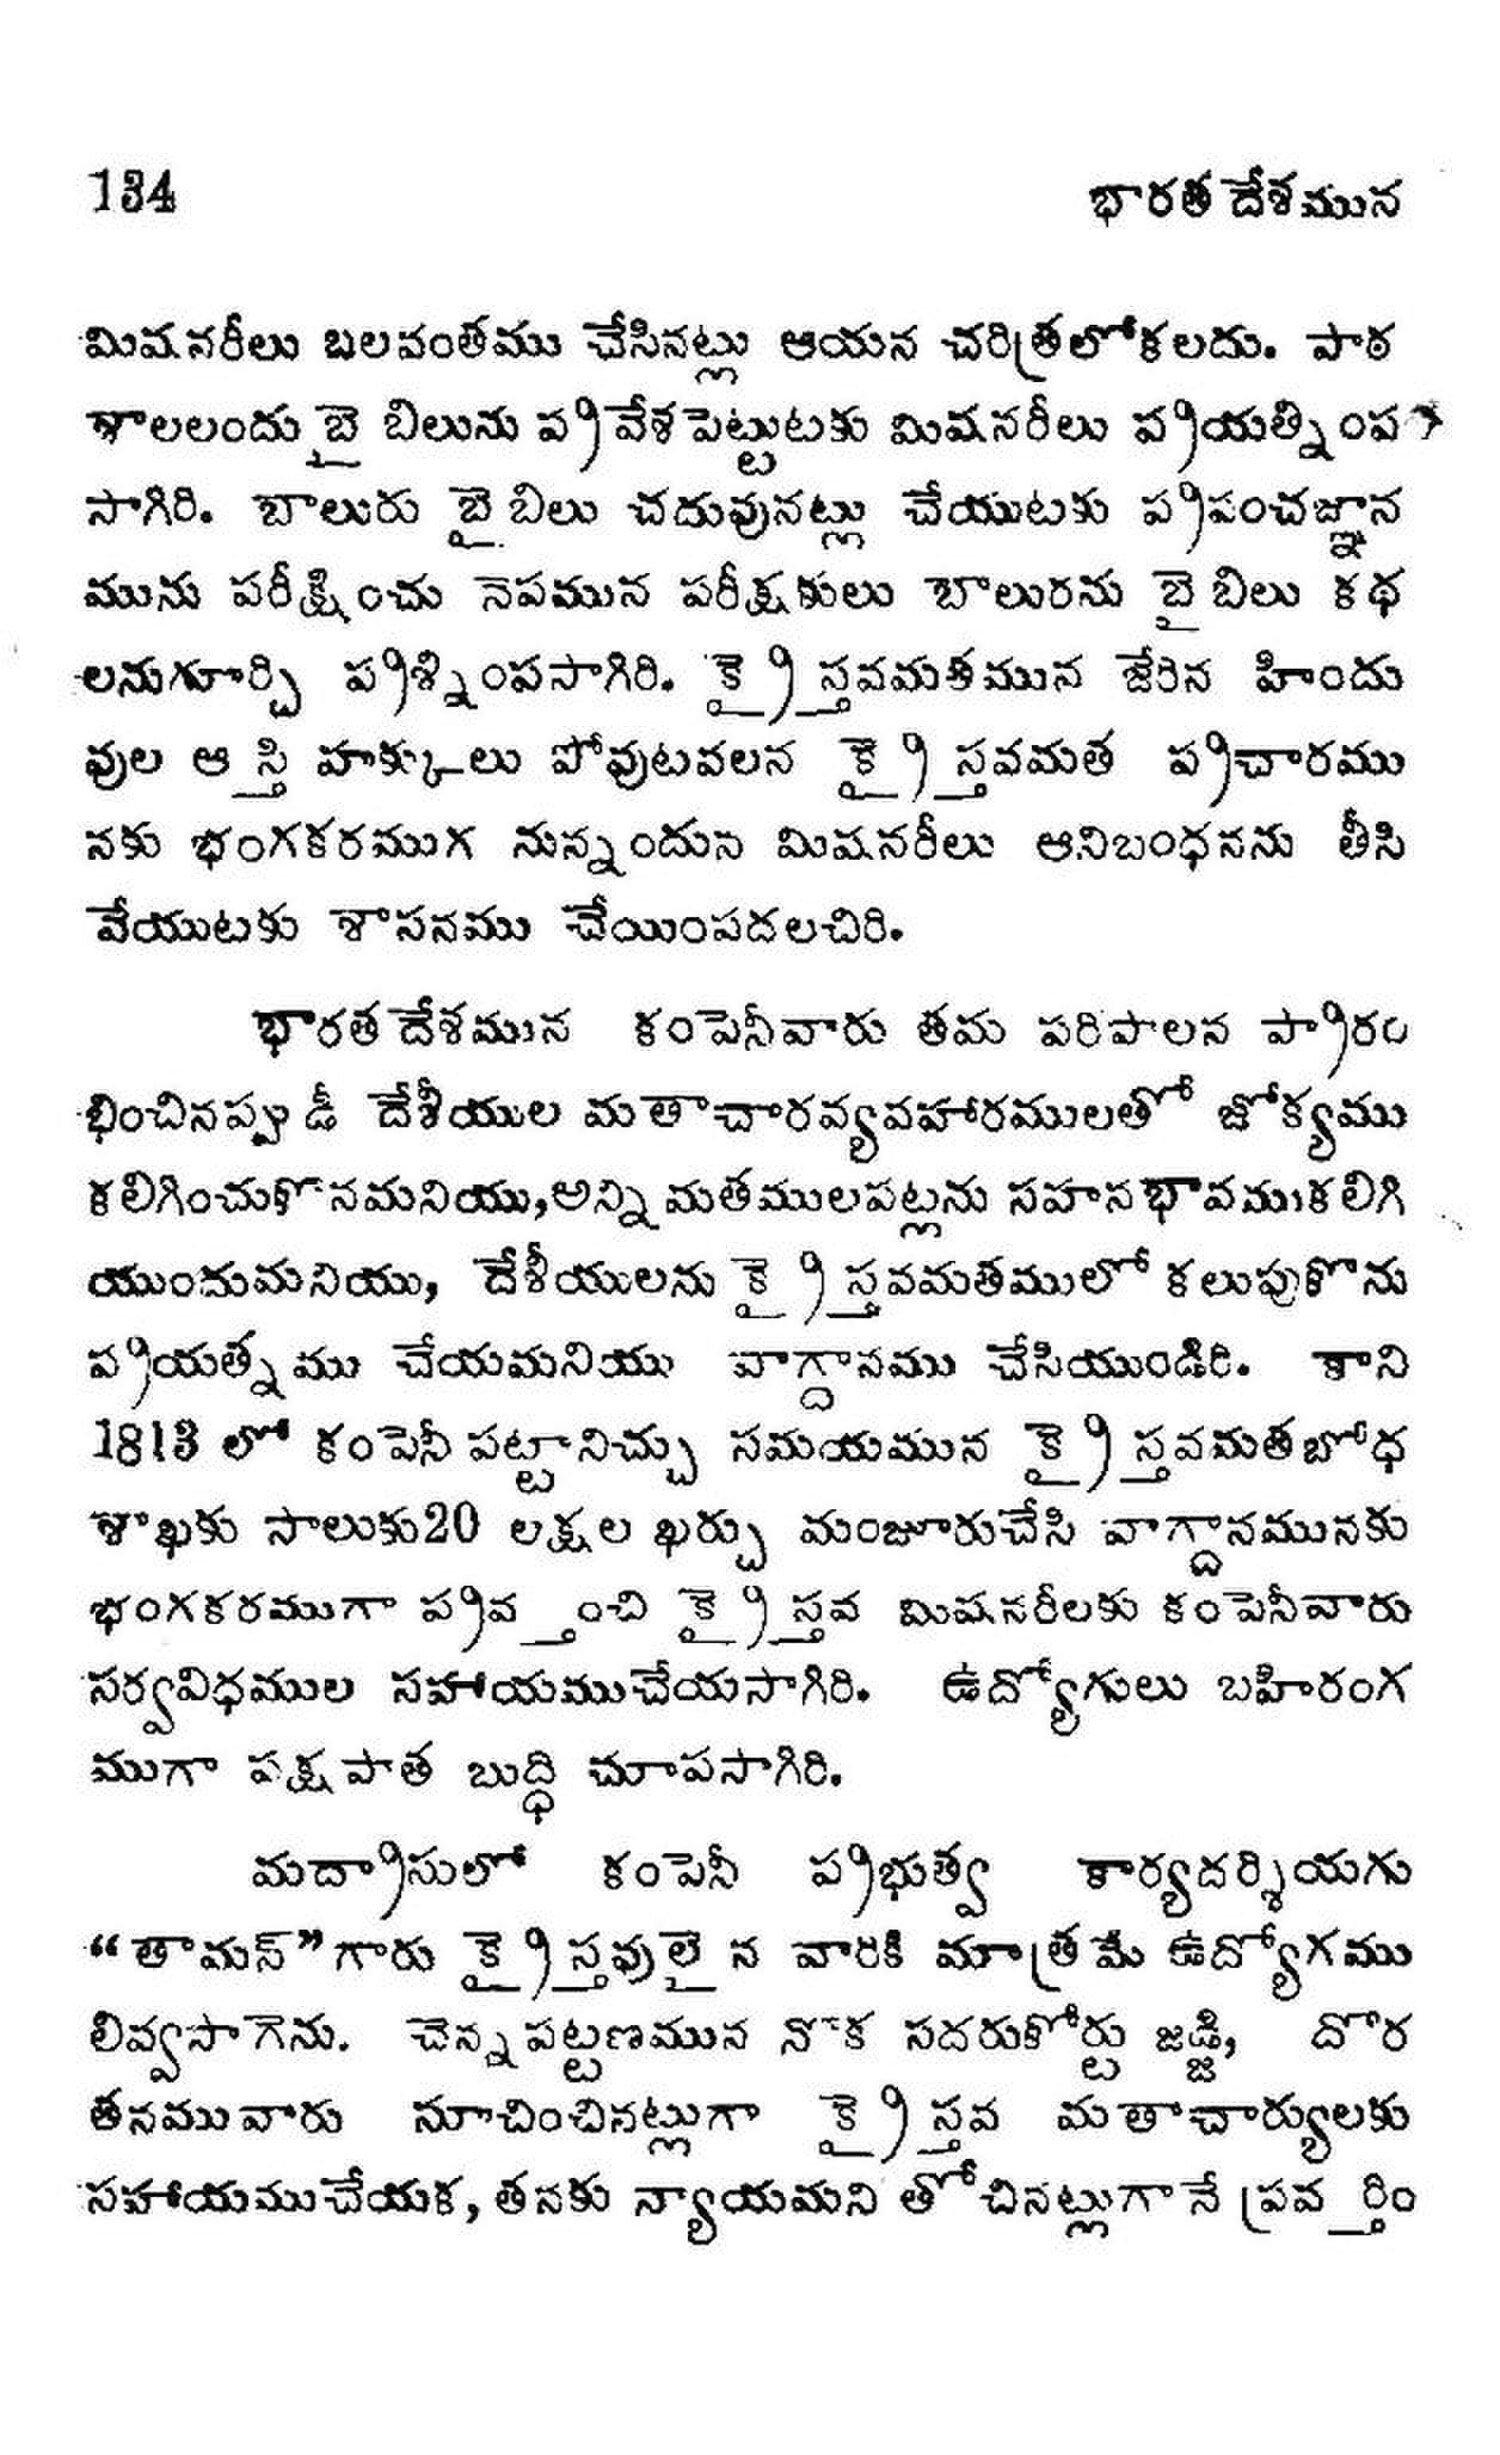మిషనరీలు బలవంతము చేసినట్లు ఆయన చరిత్రలోకలదు. పాఠశాలలందు బైబిలును ప్రవేశపెట్టుటకు మిషనరీలు ప్రయత్నింపసాగిరి. బాలురు బైబిలు చదువునట్లు చేయుటకు ప్రపంచజ్ఞానమును పరీక్షించు నెపమున పరీక్షకులు బాలురను బైబిలు కథలనుగూర్చి ప్రశ్నింపసాగిరి. క్రైస్తవమతమున జేరిన హిందువుల ఆస్తిహక్కులు పోవుటవలన క్రైస్తవమత ప్రచారమునకు భంగకరముగ నున్నందున మిషనరీలు ఆనిబంధనను తీసివేయుటకు శాసనము చేయింపదలచిరి.

భారతదేశమున కంపెనీవారు తమ పరిపాలన ప్రారంభించినప్పుడీ దేశీయుల మతాచారవ్యవహారములతో జోక్యము కలిగించుకొనమనియు, అన్నిమతములపట్లను సహన భావముకలిగి యుందుమనియు, దేశీయులను క్రైస్తవమతములో కలుపుకొను ప్రయత్నము చేయమనియు వాగ్దానము చేసియుండిరి. కాని 1813 లో కంపెనీ పట్టానిచ్చు సమయమున క్రైస్తవమత బోధశాఖకు సాలుకు 20 లక్షల ఖర్చు మంజూరుచేసి వాగ్దానమునకు భంగకరముగా ప్రవర్తించి క్రైస్తవ మిషనరీలకు కంపెనీవారు సర్వవిధముల సహాయముచేయసాగిరి. ఉద్యోగులు బహిరంగముగా పక్షపాత బుద్ది చూపసాగిరి.

మద్రాసులో కంపెనీ ప్రభుత్వ కార్యదర్శియగు “తామస్" గారు క్రైస్తవులైన వారికి మాత్రమే ఉద్యోగము లివ్వసాగెను. చెన్నపట్టణమున నొక సదరుకోర్టు జడ్జి, దొరతనమువారు సూచించినట్లుగా క్రైస్తవ మతాచార్యులకు సహాయముచేయక, తనకు న్యాయమని తోచినట్లుగానే ప్రవర్తిం